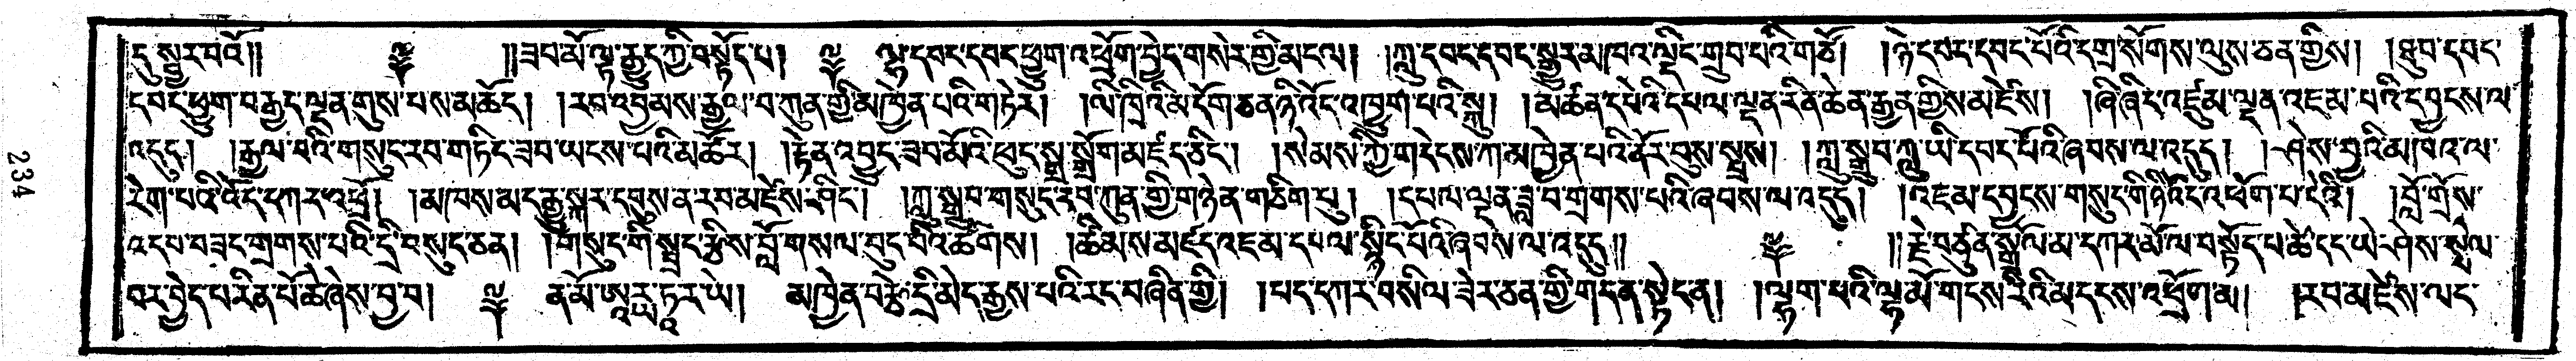དུ་སྦྱར་བའོ།། ༈ །།ཟབ་མོ་ལྟ་རྒྱུད་ཀྱི་བསྟོད་པ། ༈ ལྷ་དབང་དབང་ཕྱུག་འཕྲོག་བྱེད་གསེར་གྱི་མངལ། །ཀླུ་དབང་དབང་སྒྱུར་མཁའ་ལྡིང་གྲུབ་པའི་གཙོ། །ཉེ་དབང་དབང་པོའི་དགྲ་སོགས་ལུས་ཅན་གྱིས། །ཐུབ་དབང་
དབང་ཕྱུག་བརྒྱད་ལྡན་གུས་པས་མཆོད། །རབ་འབྱམས་རྒྱལ་བ་ཀུན་གྱི་མཁྱེན་པའི་གཏེར། །ལི་ཁྲིའི་མདོག་ཅན་ཉི་འོད་འཁྱུག་པའི་སྐུ། །མཚན་དཔེའི་དཔལ་ལྡན་རིན་ཆེན་རྒྱན་གྱིས་མཛེས། །ཞི་ཞིང་འཛུམ་ལྡན་འཇམ་པའི་དབྱངས་ལ་
འདུད། །རྒྱལ་བའི་གསུང་རབ་གཏིང་ཟབ་ཡངས་པའི་མཚོར། །རྟེན་འབྱུང་ཟབ་མོའི་ཕུད་སྒྲ་སྒྲོག་མཛད་ཅིང་། །སེམས་ཀྱི་གདེངས་ཀ་མཁྱེན་པའི་ནོར་བུས་སྤྲས། །ཀླུ་སྒྲུབ་ཀླུ་ཡི་དབང་པོའི་ཞབས་ལ་འདུད། །ཤེས་བྱའི་མཁའ་ལ་
རེག་པའི་འོད་དཀར་འཕྲོ། །མཁས་མང་རྒྱུ་སྐར་དབུས་ན་རབ་མཛེས་ཤིང་། །ཀླུ་སྒྲུབ་གསུང་རབ་ཀུན་གྱི་གཉེན་གཅིག་པུ། །དཔལ་ལྡན་ཟླ་བ་གྲགས་པའི་ཞབས་ལ་འདུད། །འཇམ་དབྱངས་གསུང་གི་ཉི་འོད་འཕོག་པ་དེའི། །བློ་གྲོས་
འདབ་བཟང་གྲགས་པའི་དྲི་བསུང་ཅན། །གསུང་གི་སྦྲང་རྩིས་བློ་གསལ་བུང་བའི་ཚོགས། །ཚིམས་མཛད་འཇམ་དཔལ་སྙིང་པོའི་ཞབས་ལ་འདུད།། ༈ །།རྗེ་བཙུན་སྒྲོལ་མ་དཀར་མོ་ལ་བསྟོད་པ་ཚེ་དང་ཡེ་ཤེས་སྤེལ་
བར་བྱེད་པ་རིན་པོ་ཆེ་ཞེས་བྱ་བ། ༈ ན་མོ་ཨཱརྱ་ཏཱ་ར་ཡེ། མཁྱེན་བརྩེ་དྲི་མེད་རྒྱས་པའི་རང་བཞིན་གྱི། །པད་དཀར་བསིལ་ཟེར་ཅན་གྱི་གདན་སྟེང་ན། །ལྷག་པའི་ལྷ་མོ་གངས་རིའི་མདངས་འཕྲོག་མ། །རབ་མཛེས་ལང་